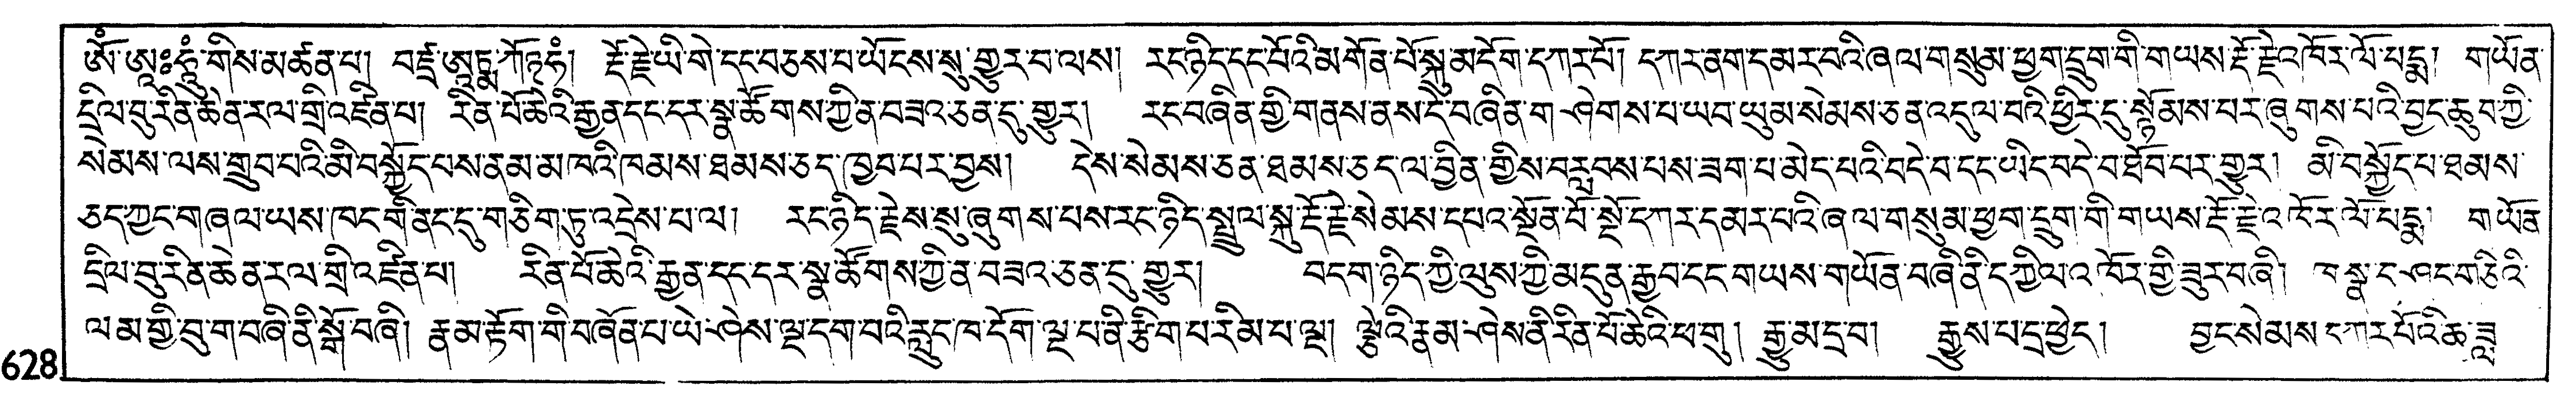ཨོཾ་ཨཱཿ ཧཱུཾ་གིས་མཚན་པ། བཛྲ་ཨཱཏྨ་ཀོཉ་ཧཾ། རྡོ་རྗེ་ཡི་གེ་དང་བཅས་པ་ཡོངས་སུ་གྱུར་བ་ལས། རང་ཉིད་དང་པོའི་མགོན་པོ་སྐུ་མདོག་དཀར་པོ། དཀར་ནག་དམར་བའི་ཞལ་གསུམ་ཕྱག་དྲུག་གི་གཡས་རྡོ་རྗེ་འཁོར་ལོ་པདམ། གཡོན་
དྲིལ་བུ་རིན་ཆེན་རལ་གྲི་འཛིན་པ། རིན་པོ་ཆེའི་རྒྱན་དང་དར་སྣ་ཚོགས་ཀྱི་ན་བཟའ་ཅན་དུ་གྱུར། རང་བཞིན་གྱི་གནས་ནས་དེ་བཞིན་གཤེགས་པ་ཡབ་ཡུམ་སེམས་ཅན་འདུལ་བའི་ཕྱིར་དུ་སྙོམས་པར་ཞུགས་པའི་བྱང་ཆུབ་ཀྱི་
སེམས་ལས་གྲུབ་པའི་མི་བསྐྱོད་པས་ནམ་མཁའི་ཁམས་ཐམས་ཅད་ཁྱབ་པར་བྱས། དེས་སེམས་ཅན་ཐམས་ཅད་ལ་བྱིན་གྱིས་བརླབས་པས་ཟག་པ་མེད་པའི་བདེ་བ་དང་ཡིད་བདེ་བ་ཐོབ་པར་གྱུར། མི་བསྐྱོད་པ་ཐམས་
ཅད་ཀྱང་གཞལ་ཡས་ཁང་གི་ནང་དུ་གཅིག་ཏུ་འདྲེས་པ་ལ། རང་ཉིད་རྗེས་སུ་ཞུགས་པས་རང་ཉིད་སྤྲུལ་སྐུ་རྡོ་རྗེ་སེམས་དཔའ་སྔོན་པོ་སྔོ་དཀར་དམར་བའི་ཞལ་གསུམ་ཕྱག་དྲུག་གི་གཡས་རྡོ་རྗེ་འཁོར་ལོ་པདམ། གཡོན་
དྲིལ་བུ་རིན་ཆེན་རལ་གྲི་འཛིན་པ། རིན་པོ་ཆེའི་རྒྱན་དང་དར་སྣ་ཚོགས་ཀྱི་ན་བཟའ་ཅན་དུ་གྱུར། བདག་ཉིད་ཀྱི་ལུས་ཀྱི་མདུན་རྒྱབ་དང་གཡས་གཡོན་བཞི་ནི་དཀྱིལ་འཁོར་གྱི་ཟུར་བཞི། ཁ་སྣ་བཤང་གཅིའི་
ལམ་གྱི་བུ་ག་བཞི་ནི་སྒོ་བཞི། རྣམ་རྟོག་གི་བཞོན་པ་ཡེ་ཤེས་ལྔ་དག་པའི་རླུང་ཁ་དོག་ལྔ་པ་ནི་རྩིག་པ་རིམ་པ་ལྔ། ལྕེའི་རྣམ་ཤེས་ནི་རིན་པོ་ཆེའི་ཕ་གུ །རྒྱུ་མ་དྲ་བ། རྒྱུས་པ་དྲ་ཕྱེད། བྱང་སེམས་དཀར་པོའི་ཆ་ཟླ་